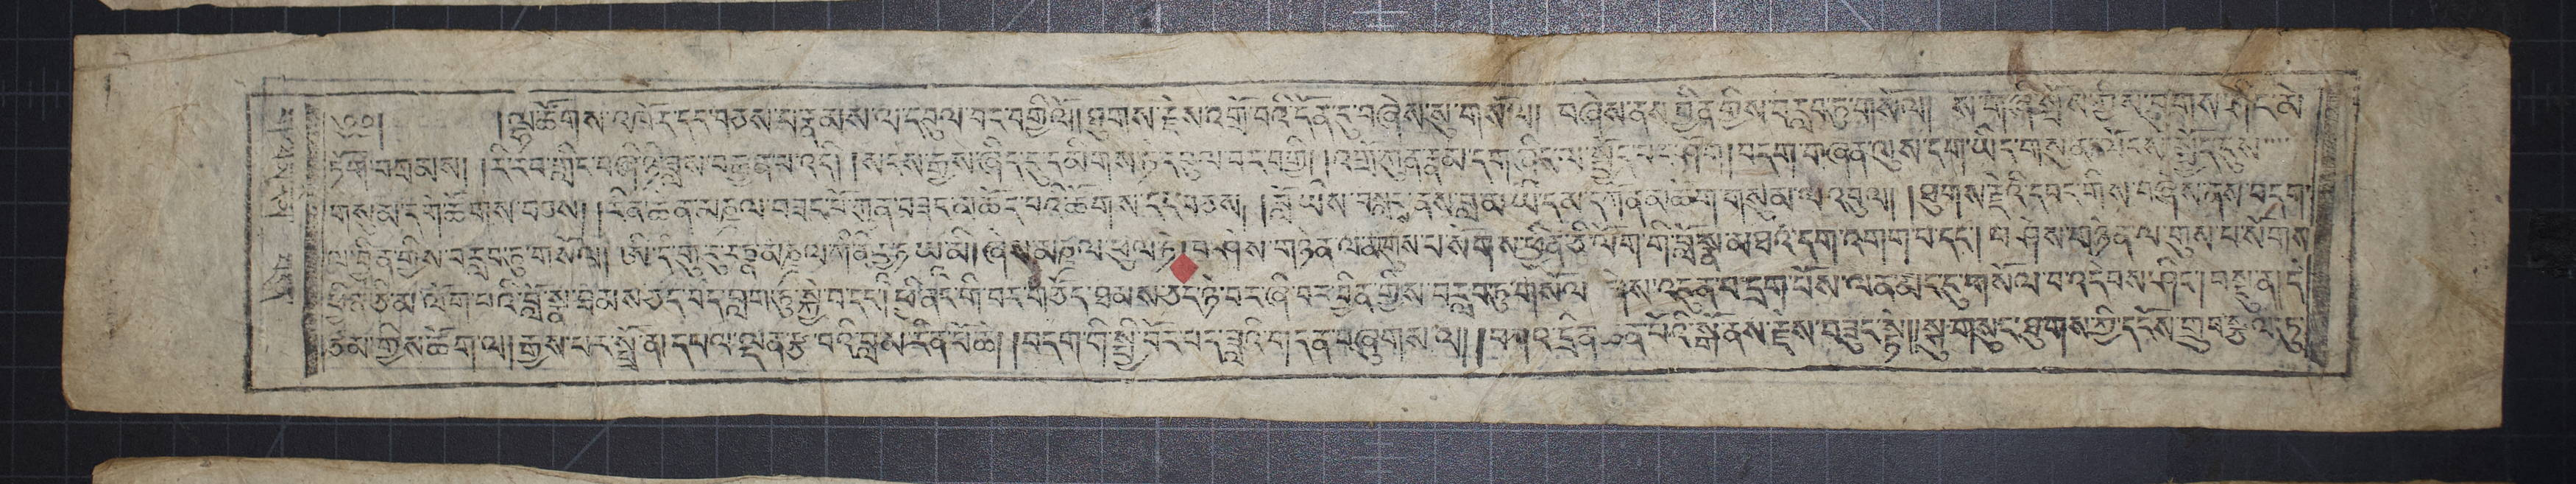༄༅། །ལྷ་ཚོགས་འཁོར་དང་བཅས་པ་རྣམས་ལ་དབུལ་བར་བགྱིའོ། །ཐུགས་རྗེས་འགྲོ་བའི་དོན་དུ་བཞེས་སུ་གསོལ། བཞེས་ནས་བྱིན་གྱིས་བརླབ་ཏུ་གསོལ། ས་གཞི་སྤོས་ཀྱིས་བྱུགས་ཤིང་མེ་
ཏོག་བཀྲམས། །རི་རབ་གླིང་བཞི་ཉི་ཟླས་བརྒྱན་པ་འདི། །སངས་རྒྱས་ཞིང་དུ་དམིགས་ཏེ་དབུལ་བར་བགྱི། །འགྲོ་ཀུན་རྣམ་དག་ཞིང་ལ་སྤྱོད་པར་ཤོག །བདག་གཞན་ལུས་ངག་ཡིད་གསུམ་ལོངས་སྤྱོད་དུས་
གསུམ་དགེ་ཚོགས་བཅས། །རིན་ཆེན་མཎྜལ་བཟང་པོ་ཀུན་བཟང་མཆོད་པའི་ཚོགས་དང་བཅས། །བློ་ཡིས་བསླངས་ནས་བླ་མ་ཡི་དམ་དཀོན་མཆོག་གསུམ་ལ་འབུལ། །ཐུགས་རྗེའི་དབང་གིས་བཞེས་ནས་བདག་
ལ་བྱིན་གྱིས་བརླབ་ཏུ་གསོལ། ཨི་དཾ་གུ་རུ་རཏྣ་མཎྜལ་ཀཾ་ནི་རྱཱ་ཏ་ཡཱ་མི། ཞེས་མཎྜལ་ཕུལ་ཏེ། བཤེས་གཉེན་ལ་མ་གུས་པ་སོགས་ཕྱིན་ཅི་ལོག་གི་བློ་སྣ་མཐའ་དག་འགག་པ་དང་། བཤེས་གཉེན་ལ་གུས་པ་སོགས་
ཕྱིན་ཅི་མ་ལོག་པའི་བློ་སྣ་ཐམས་ཅད་བདེ་བླག་ཏུ་སྐྱེ་བ་དང་། ཕྱི་ནང་གི་བར་གཅོད་ཐམས་ཅད་ཉེ་བར་ཞི་བར་བྱིན་གྱིས་བརླབ་ཏུ་གསོལ། ཞེས་འདུན་པ་དྲག་པོས་ལན་མང་དུ་གསོལ་བ་འདེབས་ཤིང་། བསྡུ་ན། དེ་
ཙམ་གྱིས་ཆོག་ལ། རྒྱས་པར་སྤྲོ་ན། དཔལ་ལྡན་རྩ་བའི་བླ་མ་རིན་པོ་ཆེ། །བདག་གི་སྤྱི་བོར་པད་ཟླའི་གདན་བཞུགས་ལ། །བཀའ་དྲིན་ཆེན་པོའི་སྒོ་ནས་རྗེས་བཟུང་སྟེ། །སྐུ་གསུང་ཐུགས་ཀྱི་དངོས་གྲུབ་སྩལ་ཏུ་